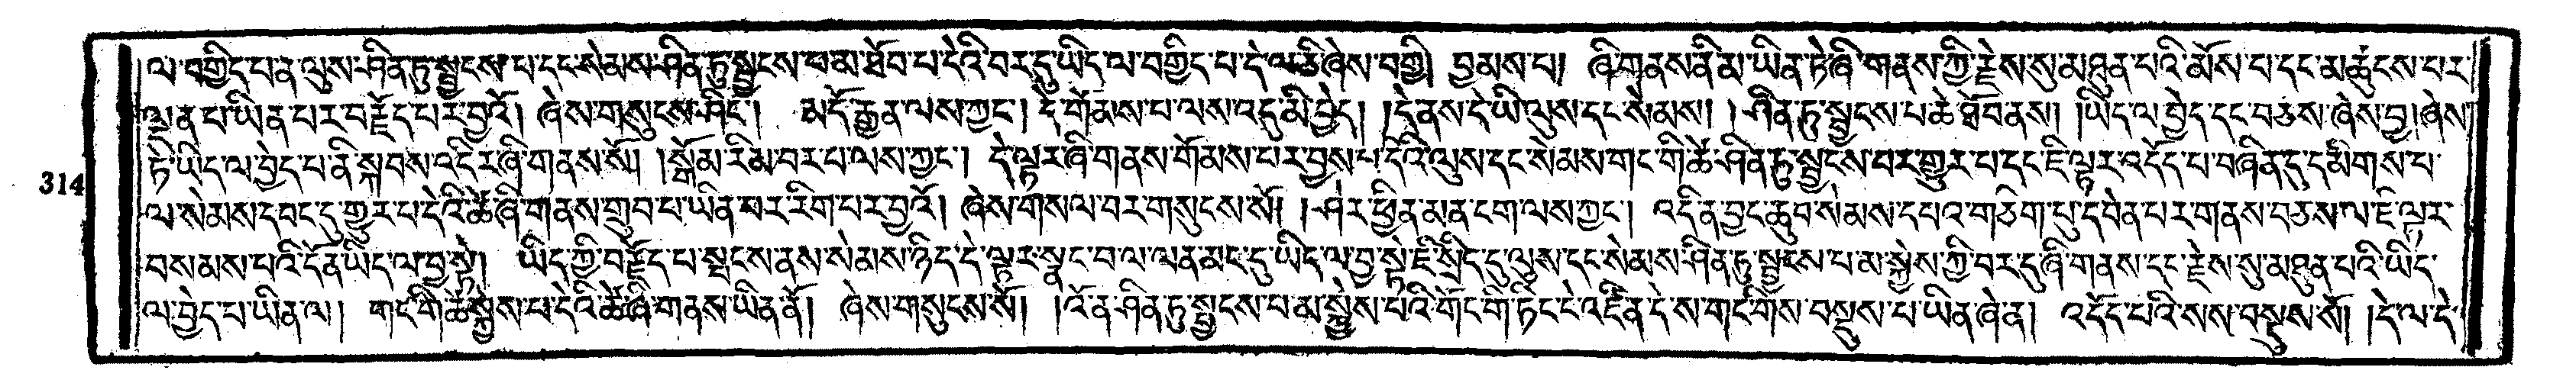ལ་བགྱིད་པ་ན་ལུས་ཤིན་ཏུ་སྦྱངས་པ་དང་སེམས་ཤིན་ཏུ་སྦྱངས་པ་མ་ཐོབ་པ་དེའི་བར་དུ་ཡིད་ལ་བགྱིད་པ་དེ་ལ་ཅི་ཞེས་བགྱི། བྱམས་པ། ཞི་གནས་ནི་མ་ཡིན་ཏེ་ཞི་གནས་ཀྱི་རྗེས་སུ་མཐུན་པའི་མོས་པ་དང་མཚུངས་པར་
ལྡན་པ་ཡིན་པར་བརྗོད་པར་བྱའོ། ཞེས་གསུངས་ཤིང་། མདོ་རྒྱན་ལས་ཀྱང་། དེ་གོམས་པ་ལས་འདུ་མི་བྱེད། །དེ་ནས་དེ་ཡི་ལུས་དང་སེམས། །ཤིན་ཏུ་སྦྱངས་པ་ཆེ་ཐོབ་ནས། །ཡིད་ལ་བྱེད་དང་བཅས་ཞེས་བྱ། ཞེས་
ཏེ་ཡིད་ལ་བྱེད་པ་ནི་སྐབས་འདིར་ཞི་གནས་སོ། །སྒོམ་རིམ་བར་པ་ལས་ཀྱང་། དེ་ལྟར་ཞི་གནས་གོམས་པར་བྱས་པ་དེའི་ལུས་དང་སེམས་གང་གི་ཚེ་ཤིན་ཏུ་སྦྱངས་པར་གྱུར་པ་དང་ཇི་ལྟར་འདོད་པ་བཞིན་དུ་དམིགས་པ་
ལ་སེམས་དབང་དུ་གྱུར་པ་དེའི་ཚེ་ཞི་གནས་གྲུབ་པ་ཡིན་པར་རིག་པར་བྱའོ། ཞེས་གསལ་བར་གསུངས་སོ། །ཤེར་ཕྱིན་མན་ངག་ལས་ཀྱང་། འདི་ན་བྱང་ཆུབ་སེམས་དཔའ་གཅིག་པུ་དབེན་པར་གནས་བཅས་ལ་ཇི་ལྟར་
བསམས་པའི་དོན་ཡིད་ལ་བྱ་སྟེ། ཡིད་ཀྱི་བརྗོད་པ་སྤངས་ནས་སེམས་ཉིད་དེ་ལྟར་སྣང་བ་ལ་ལན་མང་དུ་ཡིད་ལ་བྱ་སྟེ་ཇི་སྲིད་དུ་ལུས་དང་སེམས་ཤིན་ཏུ་སྦྱངས་པ་མ་སྐྱེས་ཀྱི་བར་དུ་ཞི་གནས་དང་རྗེས་སུ་མཐུན་པའི་ཡིད་
ལ་བྱེད་པ་ཡིན་ལ། གང་གི་ཚེ་སྐྱེས་པ་དེའི་ཚེ་ཞི་གནས་ཡིན་ནོ། ཞེས་གསུངས་སོ། །འོ་ན་ཤིན་ཏུ་སྦྱངས་པ་མ་སྐྱེས་པའི་གོང་གི་ཏིང་ངེ་འཛིན་དེ་ས་གང་གིས་བསྡུས་པ་ཡིན་ཞེ་ན། འདོད་པའི་སས་བསྡུས་སོ། །དེ་ལ་དེ་